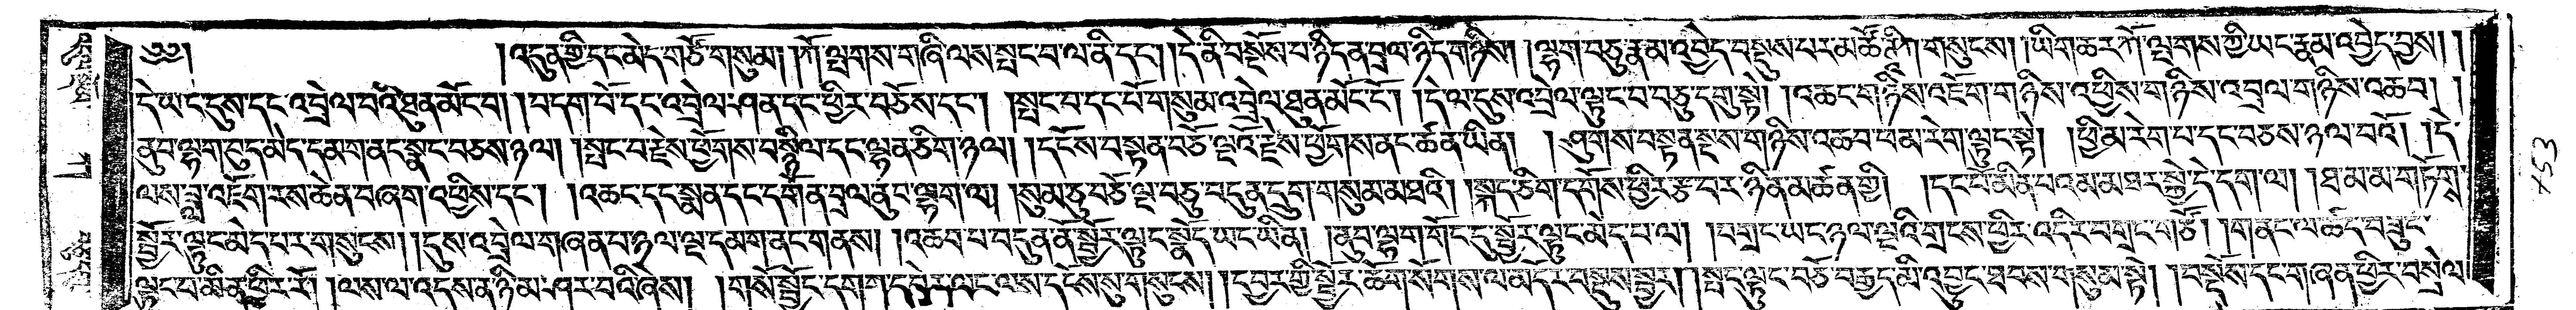༄༅། །འདུན་གྱི་དང་མེད་གཙོ་གསུམ། །ཀོ་ལྤགས་གཞི་ལས་སྤང་བ་ལ་ནི་དང་། །དེ་ནི་བསྔོས་པ་ཉིད་ན་བྲལ་ཉིད་གཉིས། །ལྷག་བཅུ་རྣམ་འབྱེད་བསྡུས་པར་མཚེ་ཊཱིཀ་གསུངས། །ཡིག་ཆར་ཀ་ལྔགས་ཀྱི་ཡང་རྣམ་འབྱེད་བྱས། །
དེ་ཡང་དུས་དང་འབྲེལ་བའི་ཐུན་མོང་བ། །བདག་པོ་དང་འབྲེལ་ཤན་དང་ཕྱིར་བཅོས་དང་། །སྤང་བ་དང་པོ་གསུམ་འབྲེལ་ཐུན་མོང་ངོ། །དེ་ལ་དུས་འབྲེལ་ལྟུང་བ་བཅུ་དགུ་སྟེ། །འཆང་གཉིས་འཇོག་གཉིས་འཕྱིས་གཉིས་འབྲལ་གཉིས་འཆབ། །
ནུབ་ལྷག་བུད་མེད་དམག་ནང་སྣང་བཅས་ཉལ། །སྤང་བ་རྗེས་ཕྱོགས་བསྙིལ་དང་ལྷན་ཅིག་ཉལ། །དངོས་བསྟན་བཅོ་ལྔའོ་རྗེས་ཕྱོགས་ནང་ཚན་ཡིན། །ཤུགས་བསྟན་སྔས་གཉིས་འཆབ་ཕམ་རེག་ལྟུང་སྟེ། །ཕྱི་མ་རེག་པ་དང་བཅས་ཉལ་བའོ། །དེ་
ལས་ཟླ་འཇོག་རས་ཆེན་བཞག་འཕྱིས་དང་། །འཆང་དང་སྨན་དང་དགོན་བྲལ་ནུབ་ལྷག་ལ། །སུམ་ཅུ་བཅོ་ལྔ་བཅུ་བདུན་དྲུག་གསུམ་མཐའི། །སྐད་ཅིག་དགོས་ཕྱིར་རྩ་བར་ཉིན་མཚན་གྱི། །དང་པོ་མིན་པའམ་མཐར་སྐྱེ་དེ་དག་ལ། །ཐ་མ་མ་གཏོགས་
སྦྱོར་ལྟུང་མེད་པར་གསུངས། །དུས་འབྲེལ་གཞན་པ་ཉལ་ལྔ་དམག་ནང་གནས། །འཆབ་པ་བདུན་ནོ་སྦྱོར་ལྟུང་སྣོད་ཡང་ཡིན། །ནུབ་ལྷག་གོང་དུ་སྦྱོར་ལྟུང་མེད་པ་ལ། །བགྲང་ཡང་ཉལ་ལྔའི་གྲངས་ཕྱིར་འདིར་བགྲང་གཙོ། །གནང་ལ་ཚད་བཟུང་
ལྟུང་ཕ་མིན་ཕྱིར་རོ། །ལས་ལ་འདས་ན་ཉི་མ་ཤར་བའི་ཞེས། །གསོ་སྦྱོང་དགག་དབྱེར་ལུང་ལས་དངོས་སུ་གསུངས། །དབྱར་གྱི་སྦྱོར་ཆོག་སོགས་ལ་མདོར་བསྡུས་སྦྱར། །སྤང་ལྟུང་བཅོ་བརྒྱད་མི་འབྱུང་ཐབས་གསུམ་སྟེ། །བསྡོས་དང་གཞན་ཕྱིར་བསྲེལ་